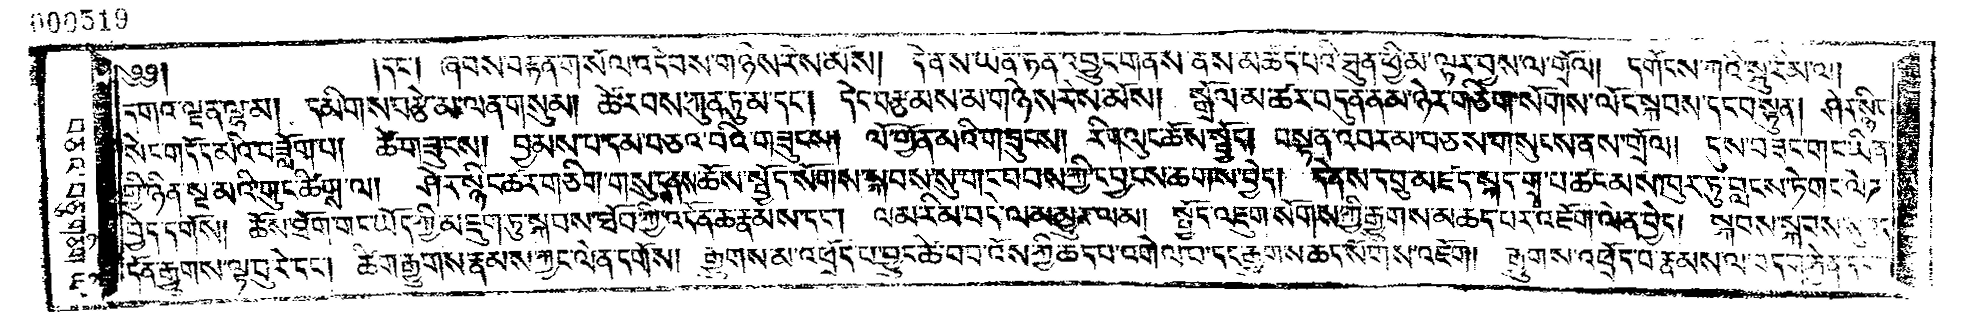༄༅། །དང་། ཞབས་བརྟན་གསོལ་འདེབས་གཉིས་རེས་མོས། དེ་ནས་ཡོན་ཏན་འབྱུང་གནས་ནས་མཆོད་པའི་ཐུན་ཕྱི་མ་ལྟར་བྱས་ལ་གྲོལ། དགོངས་ཀའི་སྐུ་རིམ་ལ།
དགའ་ལྡན་ལྷ་མ། དམིགས་བརྩེ་མ་ལན་གསུམ། ཚེ་རབས་ཀུན་ཏུ་མ་དང་། དེང་བརྩམས་མ་གཉིས་རེས་མོས། སྒྲོལ་མ་ཚར་བདུན་ནམ་ཉེར་གཅིག་སོགས་ལོང་སྐབས་དང་བསྟུན། ཤེར་སྙིང་
སེང་གདོད་མའི་བཟློག་པ། ཚེ་གཟུངས། བྱམས་པ་དམ་བཅའ་བའི་གཟུངས། ལོ་གྱོན་མའི་གཟུངས། རིག་ལུང་ཆོས་སྤྱོད། བསྟན་འབར་མ་བཅས་གསུངས་ནས་གྲོལ། དུས་བཟང་གང་ཡིན་
གྱི་ཉིན་སྔ་མའི་གུང་ཚིགས་ལ། ཤེར་སྙིང་ཚར་གཅིག་གསུངས་ནས་ཆོས་སྤྱོད་སོགས་སྐབས་སུ་གང་བབས་ཀྱི་དབྱངས་ཆགས་བྱེད། དེ་ནས་དབུ་མཛད་སྐད་གྲྭ་པ་ཚང་མས་ཁུར་ཏུ་བླངས་ཏེ་གང་ལེགས་
བྱེད་དགོས། ཆོས་ཐོག་གང་ཡོད་ཀྱི་མཇུག་ཏུ་སྐབས་ཐོབ་ཀྱི་འདོན་ཆ་རྣམས་དང་། ལམ་རིམ་བདེ་ལམ་མྱུར་ལམ། སྤྱོད་འཇུག་སོགས་ཀྱི་རྒྱུགས་མ་ཆད་པར་འཇོག་ལེན་བྱེད། སྐབས་སྐབས་སུའང་
དོན་རྒྱུགས་ལྟ་བུ་རེ་དང་། ཚིག་རྒྱུགས་རྣམས་ཀྱང་ལེན་དགོས། རྒྱུགས་མ་འཕྲོད་པ་བྱུང་ཚེ་བབ་འོས་ཀྱི་ཆད་པ་འགེལ་བ་དང་རྒྱུགས་ཆད་སོགས་འཇོག །རྒྱུགས་འཕྲོད་པ་རྣམས་ལ་བདག་རྐྱེན་དང་